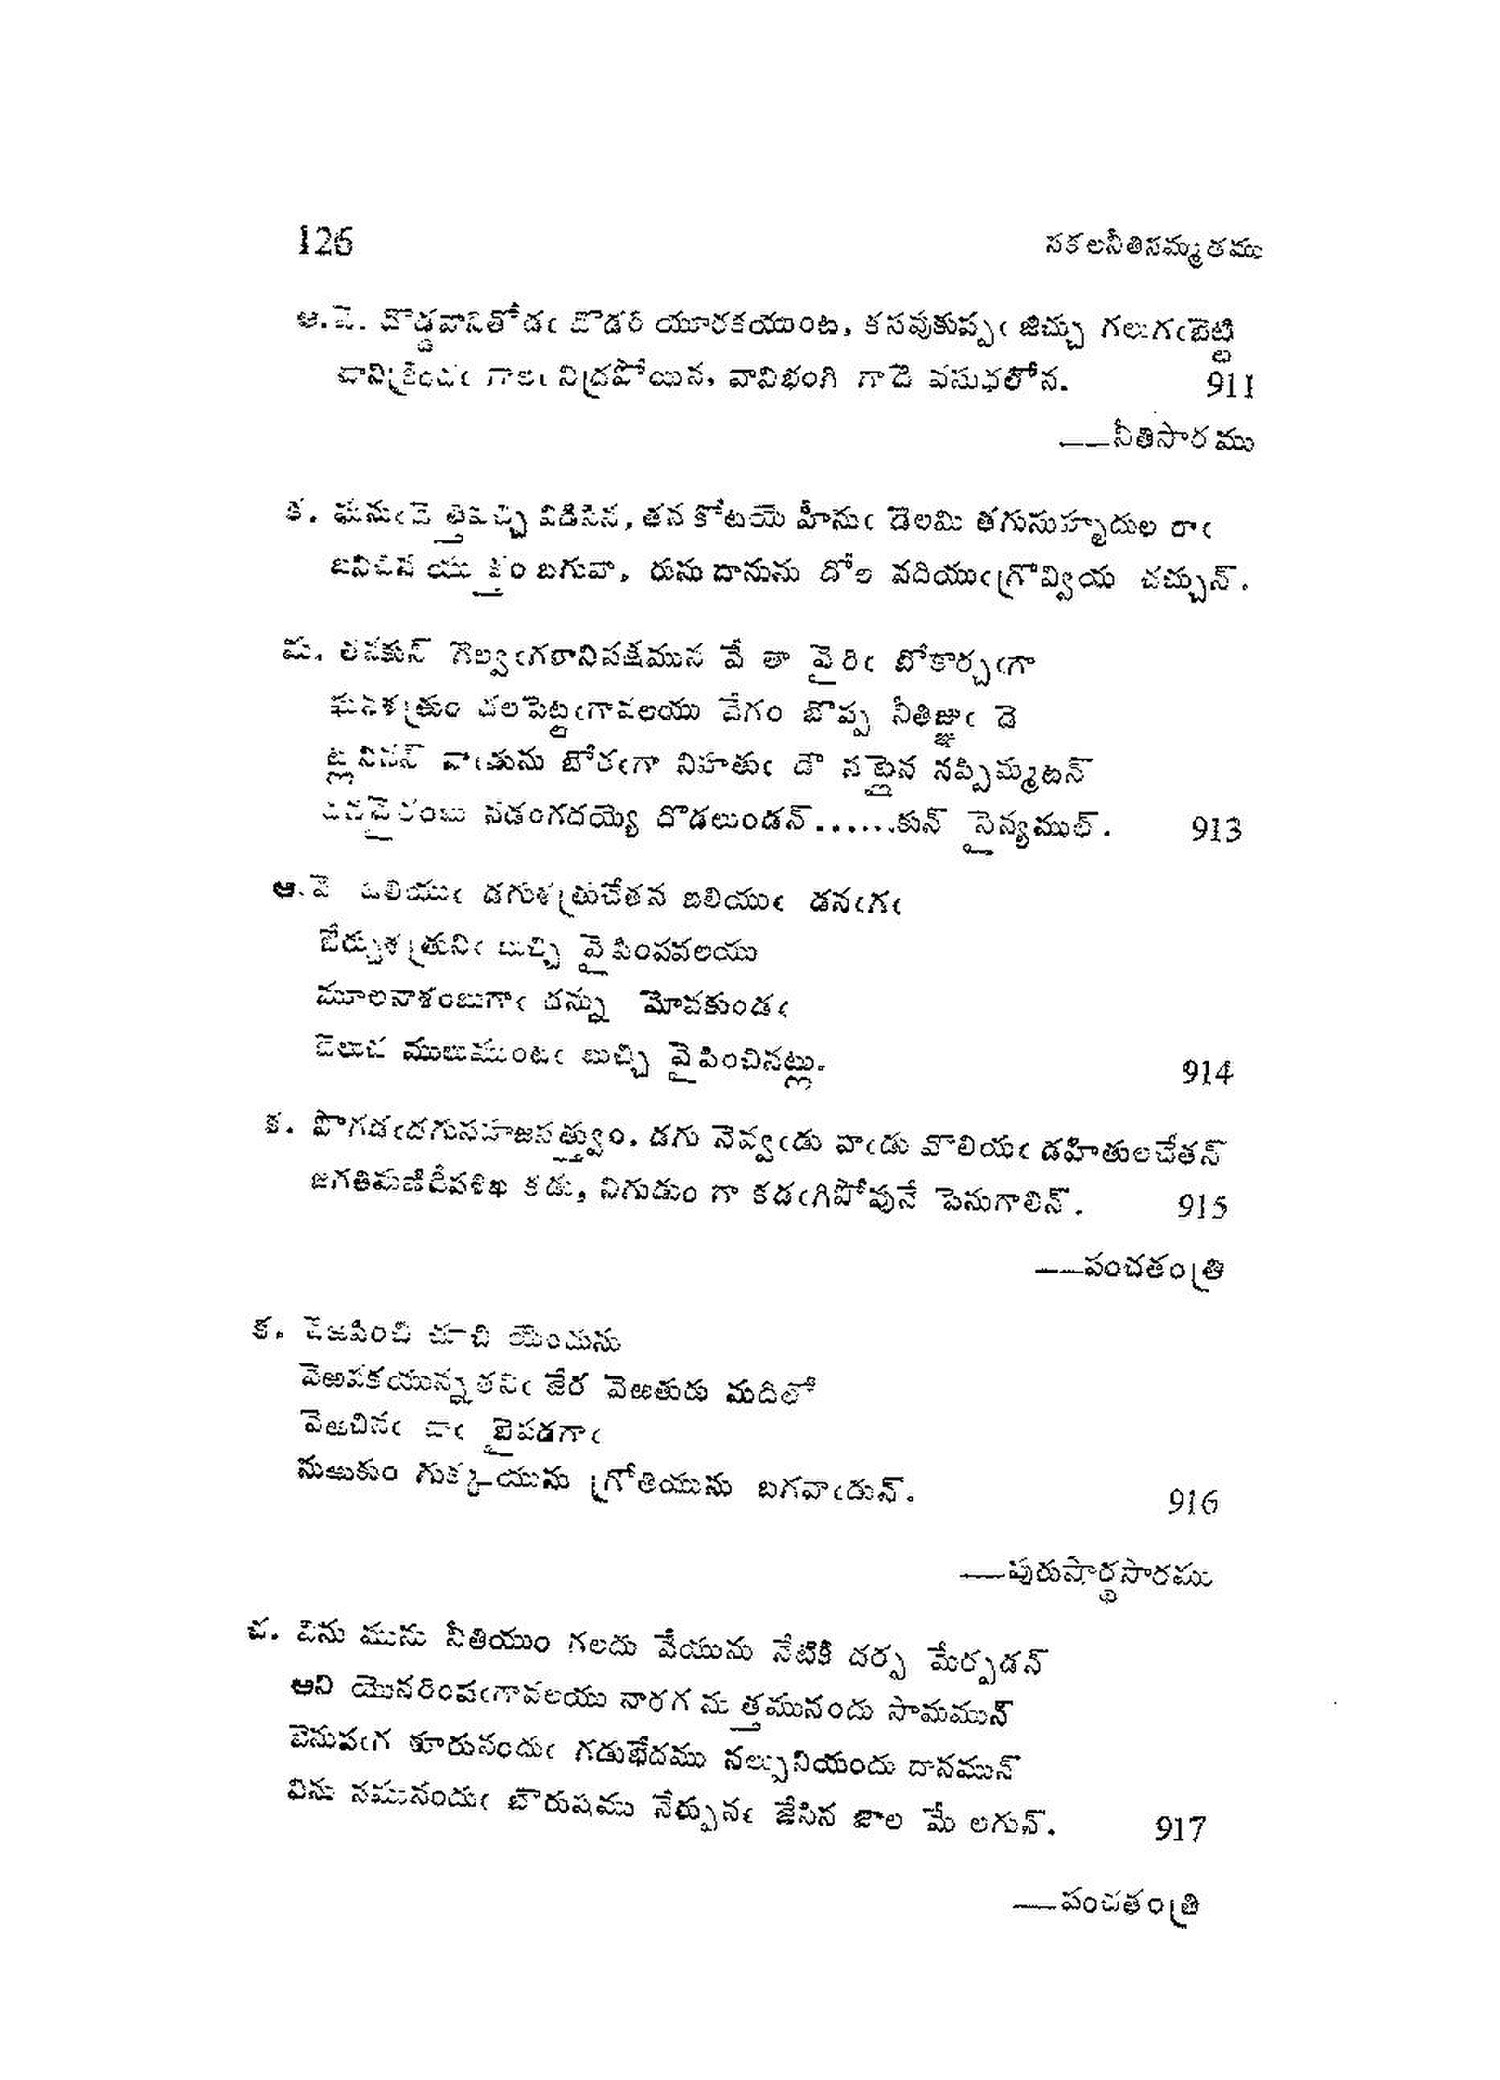ఆ. దొడ్డవానితోడఁ దొడరి యూరకయుంట
కసపుకుప్పఁ జిచ్చు గలుగఁబెట్టి
దానిక్రిందఁ గాలఁ నిద్రపోయిన
వానిభంగి గాదె వసుధలోన. 911

క. ఘనుఁ డెత్తి వచ్చి విడిసిన
తన కోటయె హీనుఁ డెలమి తగుసుహృదుల రాఁ
బనిచిన యుక్తం బగువా
రును దానును దోల నదియుఁ గ్రొవ్వియ చచ్చున్. 912

మ. తనకున్ గెల్వఁగరానిపక్షమున వే తా వైరిఁ బోకార్చఁగా
ఘనశత్రుం దలపెట్టఁగావలయు వేగం బొప్ప నీతిజ్ఞుఁ డె
ట్లనినన్ వాఁడును బోరఁగా నిహతుఁ డౌ నట్లైన నప్పిమ్మటన్
దనవైరంబు నడంగదయ్యె దొడలుండన్ ......కున్ సైన్యముల్. 913

ఆ. ఒలియుఁ డగుశత్రుచేతనఁ బలియుఁ డనఁగఁ
బేర్చుశత్రునిఁ బచ్చి వైపింపవలయు
మూలనాశంబుగాఁ దన్ను మోవకుండఁ
బెలుచ ములుముంటఁ బుచ్చి వైపించినట్లు. 914

క. పొగడఁదగుసహజసత్త్వుం
డగు నెవ్వఁడు వాఁడు వొలియఁ డహితులచేతన్
జగతిమణిదీపశిఖ కడు
నిగుడుం గా కడఁగిపోవునే పెనుగాలిన్. 915

క. వెఱపించి చూచి యెందును
వెఱవకయున్నతనిఁ జేర వెఱతురు మదిలో
వెఱచినఁ దాఁ బైపడగాఁ
నుఱుకుం గుక్కయును గ్రోతియును బగవాఁడున్. 916

చ. విను మును నీతియుం గలదు వేయును నేటికి దర్ప మేర్పడన్
అని యొనరింపఁ గావలయు నారగ నుత్తమునందు సామమున్
బెనుపఁగ శూరునందుఁ గడుభేదము నల్పునియందు దానమున్
విను సమునందుఁ బౌరుషము నేర్పునఁ జేసిన జాల మే లగున్. 917